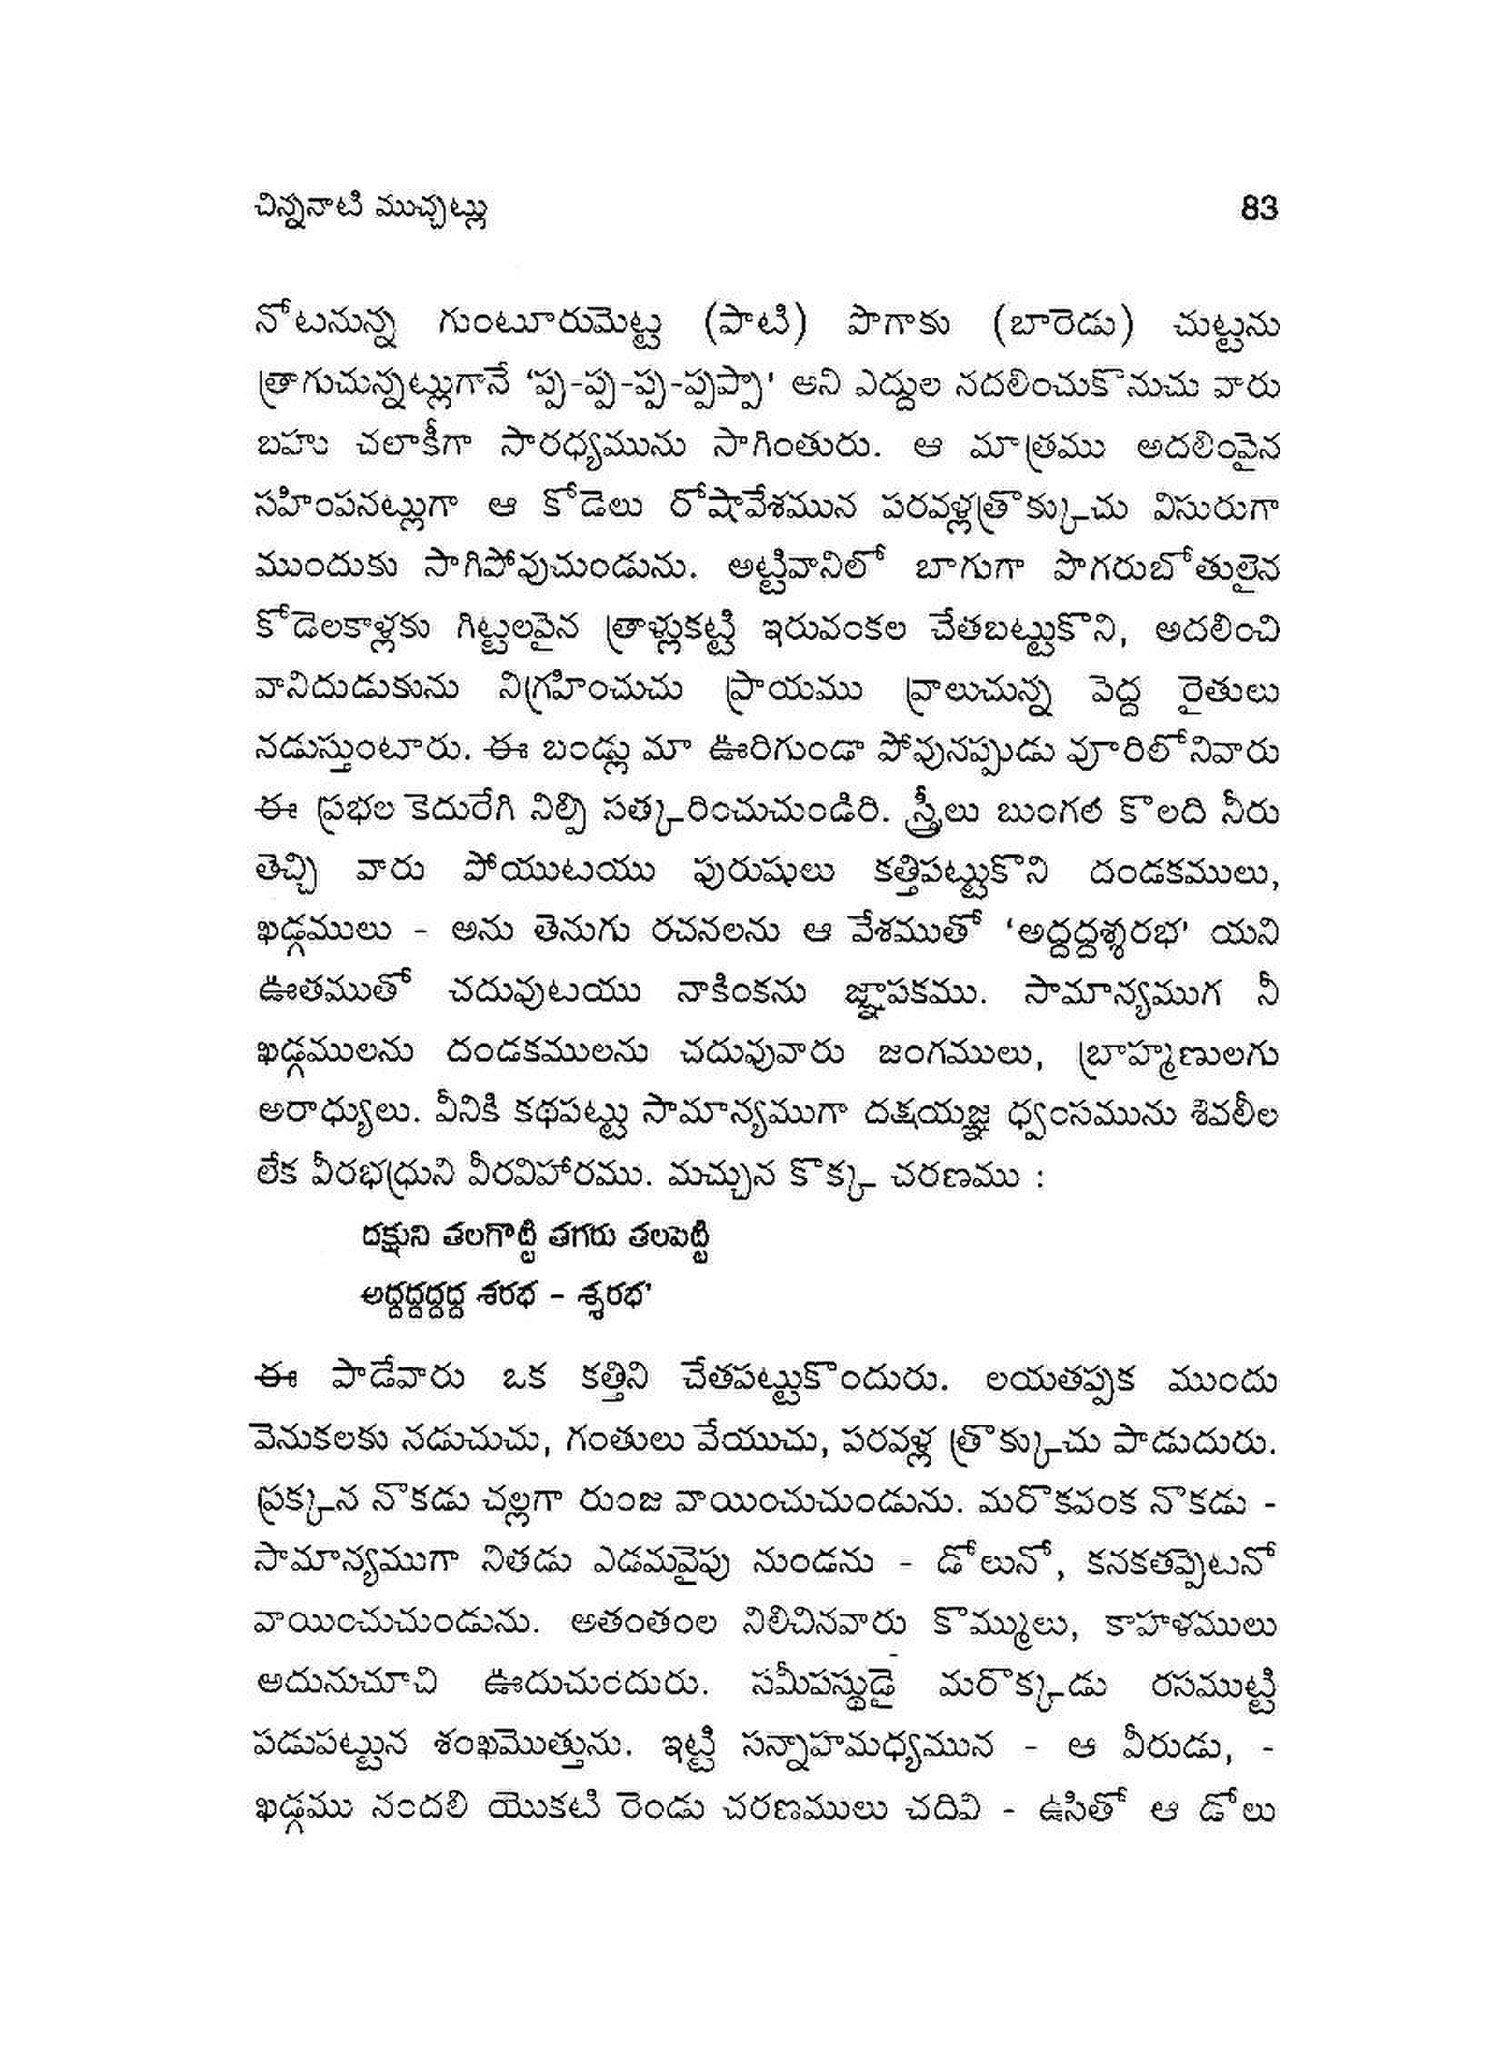నోటనున్న గుంటూరుమెట్ట (పాటి) పొగాకు (బారెడు) చుట్టను త్రాగుచున్నట్లుగానే "ప్ప-ప్ప-ప్ప-ప్పప్పా" అని ఎద్దుల నదలించుకొనుచు వారు బహు చలాకీగా సారధ్యమును సాగింతురు. ఆ మాత్రము అదలింపైన సహింపనట్లుగా ఆ కోడెలు రోషావేశమున పరవళ్లతొక్కుచు విసురుగా ముందుకు సాగిపోవుచుండును. అట్టివానిలో బాగుగా పొగరుబోతులైన కోడెలకాళ్లకు గిట్టలపైన త్రాళుకట్టి ఇరువంకల చేతబట్టుకొని, అదలించి వానిదుడుకును నిగ్రహించుచు ప్రాయము వ్రాలుచున్న పెద్ద రైతులు నడుస్తుంటారు. ఈ బండ్లు మా ఊరిగుండా పోవునప్పుడు వూరిలోనివారు ఈ ప్రభల కెదురేగి నిల్పి సత్కరించుచుండిరి. స్త్రీలు బుంగల కొలది నీరు తెచ్చి వారు పోయుటయు పురుషులు కత్తిపట్టుకొని దండకములు, ఖడ్గములు - అను తెనుగు రచనలను ఆ వేశముతో 'అద్దద్దశరభ" యని ఊతముతో చదువుటయు నాకింకను జ్ఞాపకము. సామాన్యముగ నీ ఖడ్గములను దండకములను చదువువారు జంగములు, బ్రాహ్మణులగు అరాధ్యులు. వీనికి కథపట్టు సామాన్యముగా దక్షయజ్ఞ ధ్వంసమును శివలీల లేక వీరభద్రుని వీరవిహారము. మచ్చున కొక్క చరణము : 

దక్షుని తలగొట్టి తగరు తలపెట్టి

అద్దద్దద్దద్ద శరభ - శరభ"

ఈ పాడేవారు ఒక కత్తిని చేతపట్టుకొందురు. లయతప్పక ముందు వెనుకలకు నడుచుచు, గంతులు వేయుచు, పరవళ్లు త్రొక్కుచు పాడుదురు. ప్రక్కన నొకడు చల్లగా రుంజ వాయించుచుండును. మరొకవంక నొకడు - సామాన్యముగా నితడు ఎడమవైపు నుండను - డోలునో, కనకతప్పెటనో వాయించుచుండును. అతంతంల నిలిచినవారు కొమ్ములు, కాహళములు అదునుచూచి ఊదుచుందురు. సమీపస్తుడై మరొక్కడు రసముట్టి పడుపట్టున శంఖమొత్తును. ఇట్టి సన్నాహమధ్యమున - ఆ వీరుడు, - ఖడ్గము నందలి యొకటి రెండు చరణములు చదివి - ఉసితో ఆ డోలు